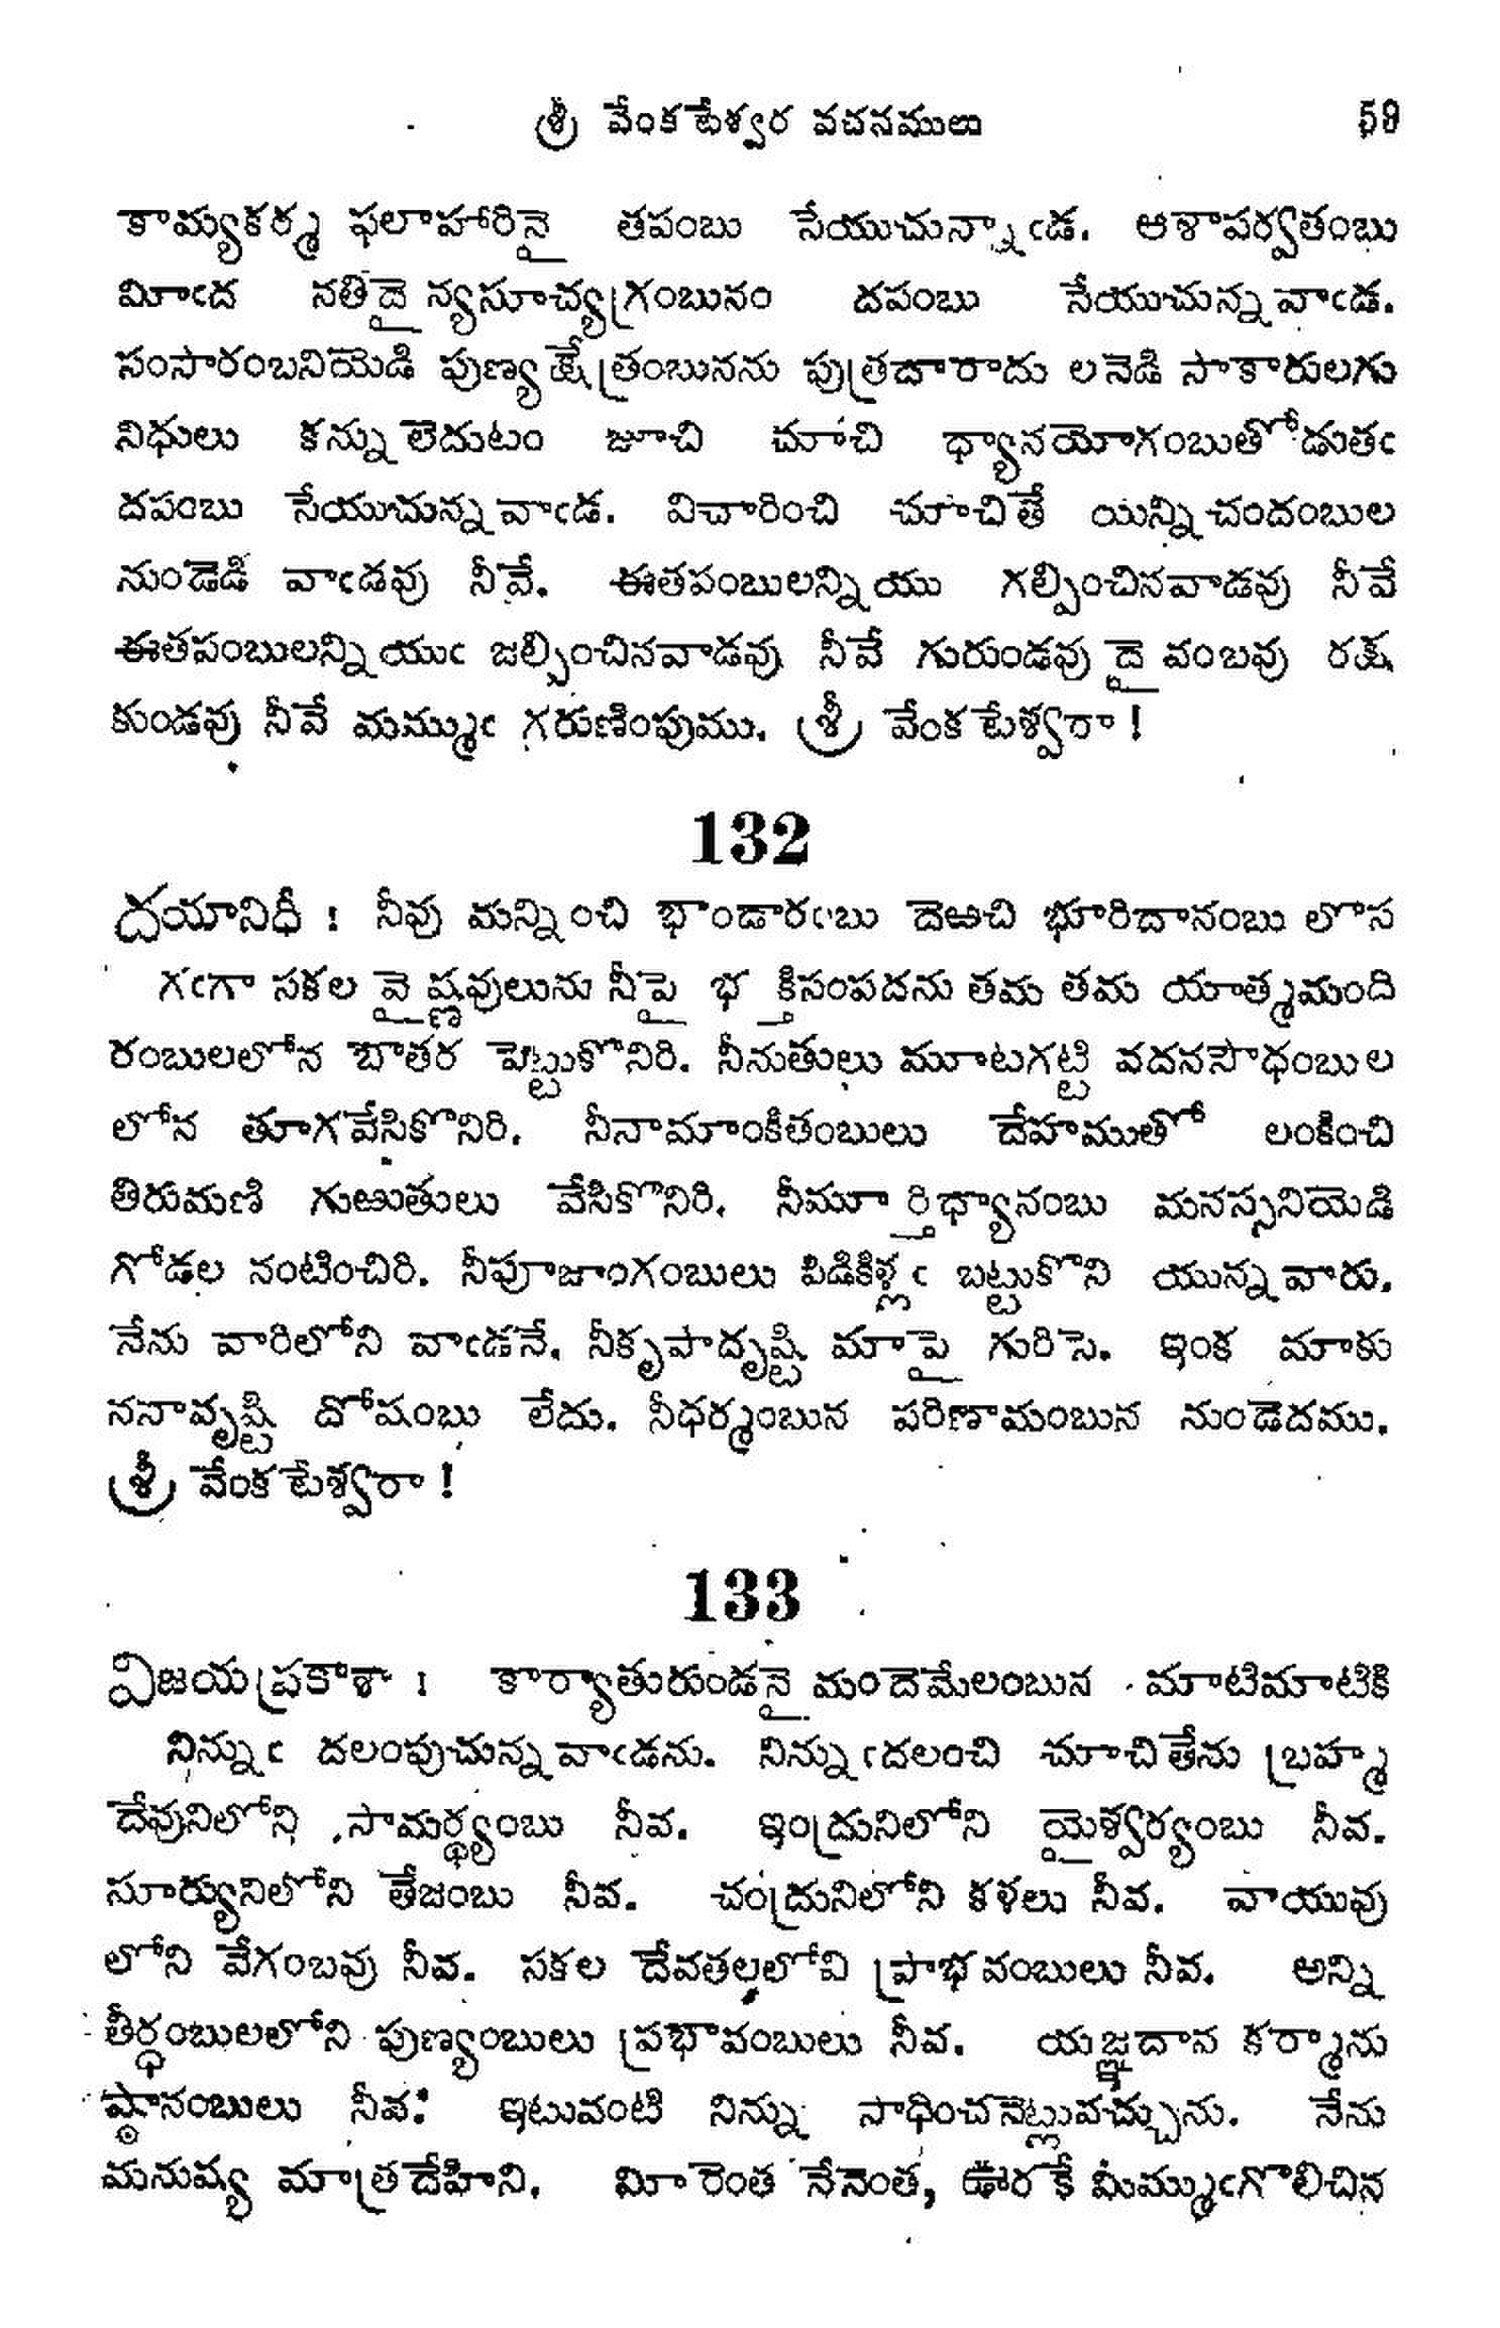కామ్యకర్మ ఫలాహారినై తపంబు సేయుచున్నాఁడ. ఆశాపర్వతంబు మీద నతిదై న్యసూచ్యగ్రంబునం దపంబు సేయుచున్నవాడ. సంసారంబనియెడి పుణ్య క్షేత్రంబునను పుత్రదారాదు లనెడి సాకారులగు నిధులు కన్ను లెదుటం జూచి చూచి ధ్యానయోగంబుతోడుతం దపంబు సేయుచున్నవాడ. విచారించి చూచితే యిన్ని చందంబుల నుండెడి వాఁడవు నీవే. ఈతపంబులన్నియు గల్పించినవాడవు నీవే ఈతపంబులన్నియుఁ జల్పించినవాడవు నీవే గురుండవు దైవంబవు రక్ష కుండవు నీవే మమ్ముఁ గరుణింపుము. శ్రీ వేంక టేశ్వరా !

132 

 ! నీవు మన్నించి భాండారంబు దెఱచి భూరిదానంబు లొస 'గంగా సకల వైష్ణవులును నీ పై భ క్రిసంపదను తమ తమ యాత్మమంది రంబులలోన బాతర పెట్టుకొనిరి. నీనుతులు మూటగట్టి వదనసౌధంబుల లోన తూగ వేసికొనిరి. నీనామాంకితంబులు దేహముతో లంకించి తిరుమణి గుఱుతులు వేసికొనిరి, నీమూర్తిధ్యానంబు మనస్సనియెడి గోడల నంటించిరి. నీ పూజాంగంబులు పిడికిళ్ల ఁ బట్టుకొని యున్న వారు, నేను వారిలోని వాఁడనే, నీకృపాదృష్టి మాపై గురిసె . ఇంక మాకు ననావృష్టి దోషంబు లేదు. నీధర్మంబున పరిణామంబున నుండెదము. శ్రీ వేంకటేశ్వరా !

133 

! కార్యాతురుండనై మం దెమేలంబున , మాటిమాటికి
నిన్నుఁ దలంపుచున్న వాఁడను. నిన్ను దలంచి చూచి తేను బ్రహ్మ దేవునిలోని సామర్థ్యంబు నీవ. ఇంద్రునిలోని యైశ్వర్యంబు నీవ. సూర్యునిలోని తేజంబు నీవ. చంద్రునిలోని కళలు నీవ. వాయువు లోని వేగంబవు నీవ. సకల దేవతలలోని ప్రాభవంబులు నీవ. అన్ని తీర్ధంబులలోని పుణ్యంబులు ప్రభావంబులు నీవ. యజ్ఞదాన కర్మాను ష్ఠానంబులు నీవ: " ఇటువంటి నిన్ను సాధించ నెట్లు వచ్చును. నేను మనుష్య మాత్ర దేహిని, నా రెంత నేనెంత, ఊరకే మిమ్ముఁ గొలిచిన